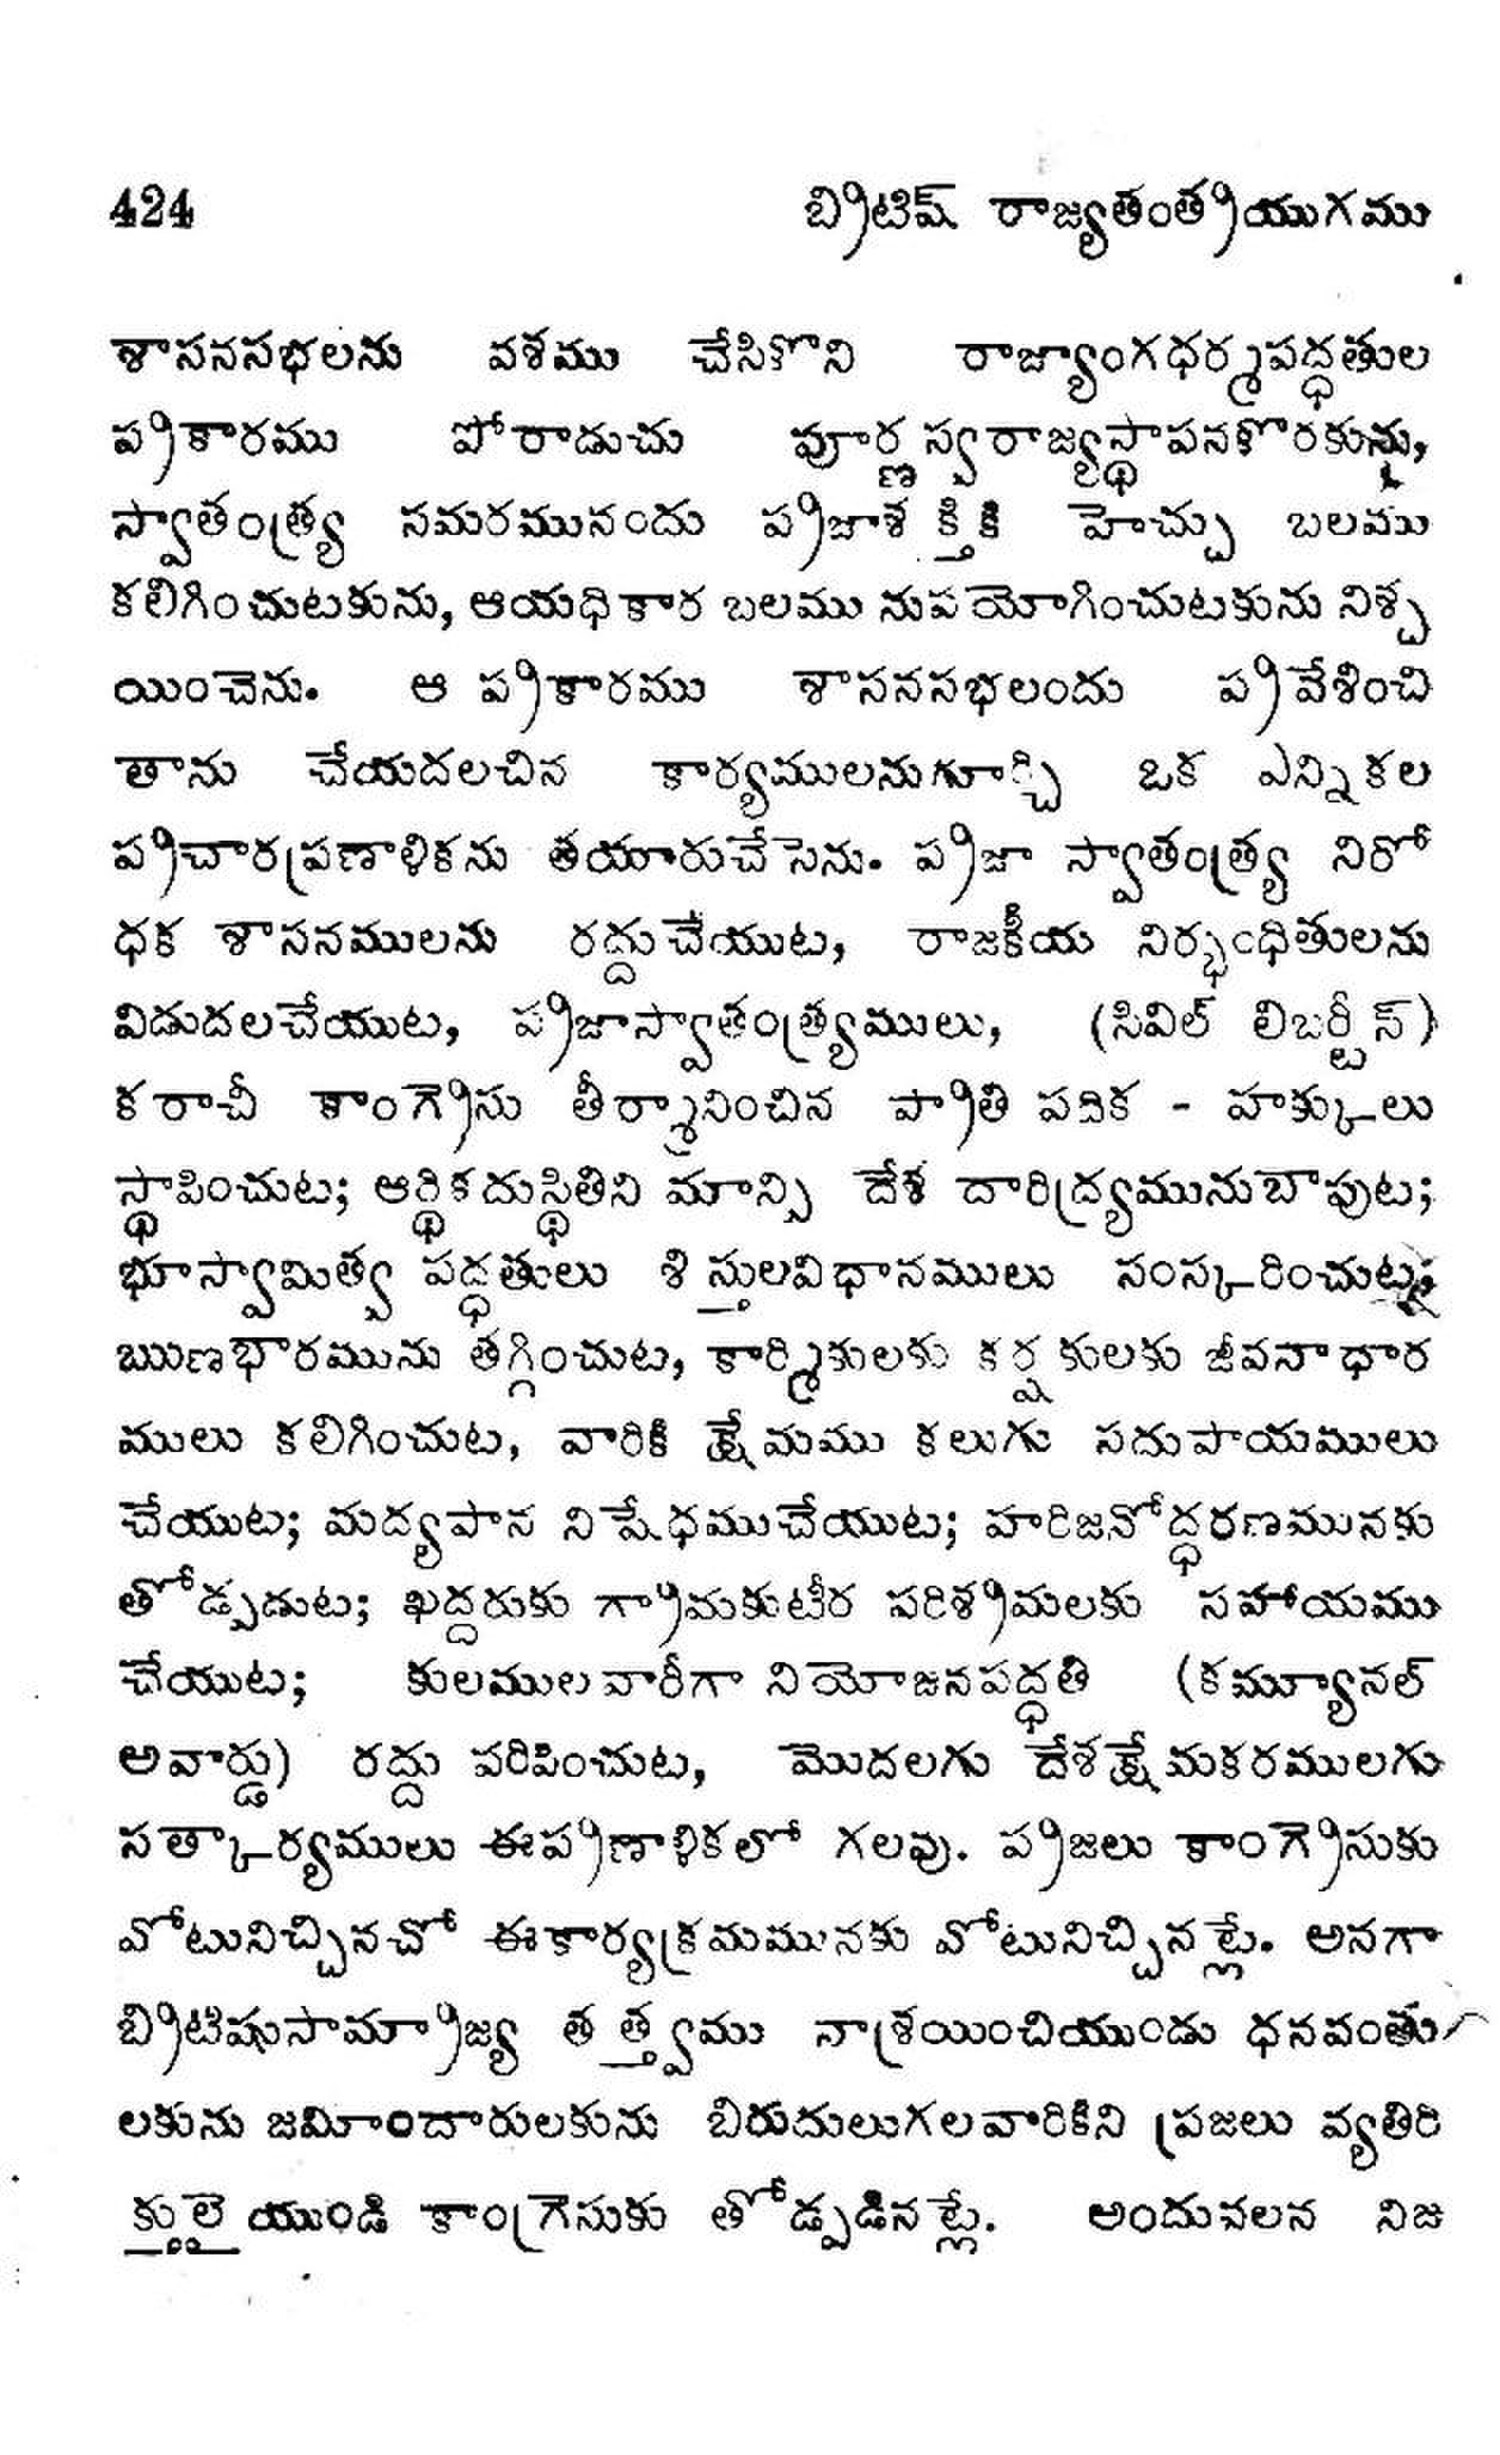శాసనసభలను వశము చేసికొని రాజ్యాంగధర్మపద్ధతుల ప్రకారము పోరాడుచు పూర్ణ స్వరాజ్యస్థాపనకొరకును, స్వాతంత్ర్య సమరమునందు ప్రజాశక్తికి హెచ్చు బలము కలిగించుటకును, ఆయధికార బలము నుపయోగించుటకును నిశ్చయించెను. ఆ ప్రకారము శాసనసభలందు ప్రవేశించి తాను చేయదలచిన కార్యములనుగూర్చి ఒక ఎన్నికల ప్రచారప్రణాళికను తయారుచేసెను. ప్రజా స్వాతంత్ర్య నిరోధక శాసనములను రద్దుచేయుట, రాజకీయ నిర్బంధితులను విడుదలచేయుట, ప్రజాస్వాతంత్ర్యములు, (సివిల్ లిబర్టీస్ ) కరాచీ కాంగ్రెసు తీర్మానించిన ప్రాతి పదిక - హక్కులు స్థాపించుట; ఆర్థికదుస్థితిని మాన్పి దేశ దారిద్ర్యమునుబాపుట; భూస్వామిత్య పద్దతులు శిస్తులవిధానములు సంస్కరించుట ఋణభారమును తగ్గించుట, కార్మికులకు కర్షకులకు జీవనాధారములు కలిగించుట, వారికి క్షేమము కలుగు సదుపాయములు చేయుట; మద్యపాన నిషేధముచేయుట; హరిజనోద్దరణమునకు తోడ్పడుట; ఖద్దరుకు గ్రామకుటీర పరిశ్రమలకు సహాయముచేయుట; కులములవారీగా నియోజనపద్ధతి (కమ్యూనల్ అవార్డు) రద్దు వరిపించుట, మొదలగు దేశక్షేమకరములగు సత్కార్యములు ఈ ప్రణాళికలో గలవు. ప్రజలు కాంగ్రెసుకు వోటునిచ్చినచో ఈ కార్యక్రమమునకు వోటునిచ్చినట్లే. అనగా బ్రిటిషుసామ్రాజ్య తత్త్వము నాశ్రయించియుండు ధనవంతులకును జమీందారులకును బిరుదులుగలవారికిని ప్రజలు వ్యతిరిక్తులై యుండి కాంగ్రెసుకు తోడ్పడినట్లే. అందువలన నిజ